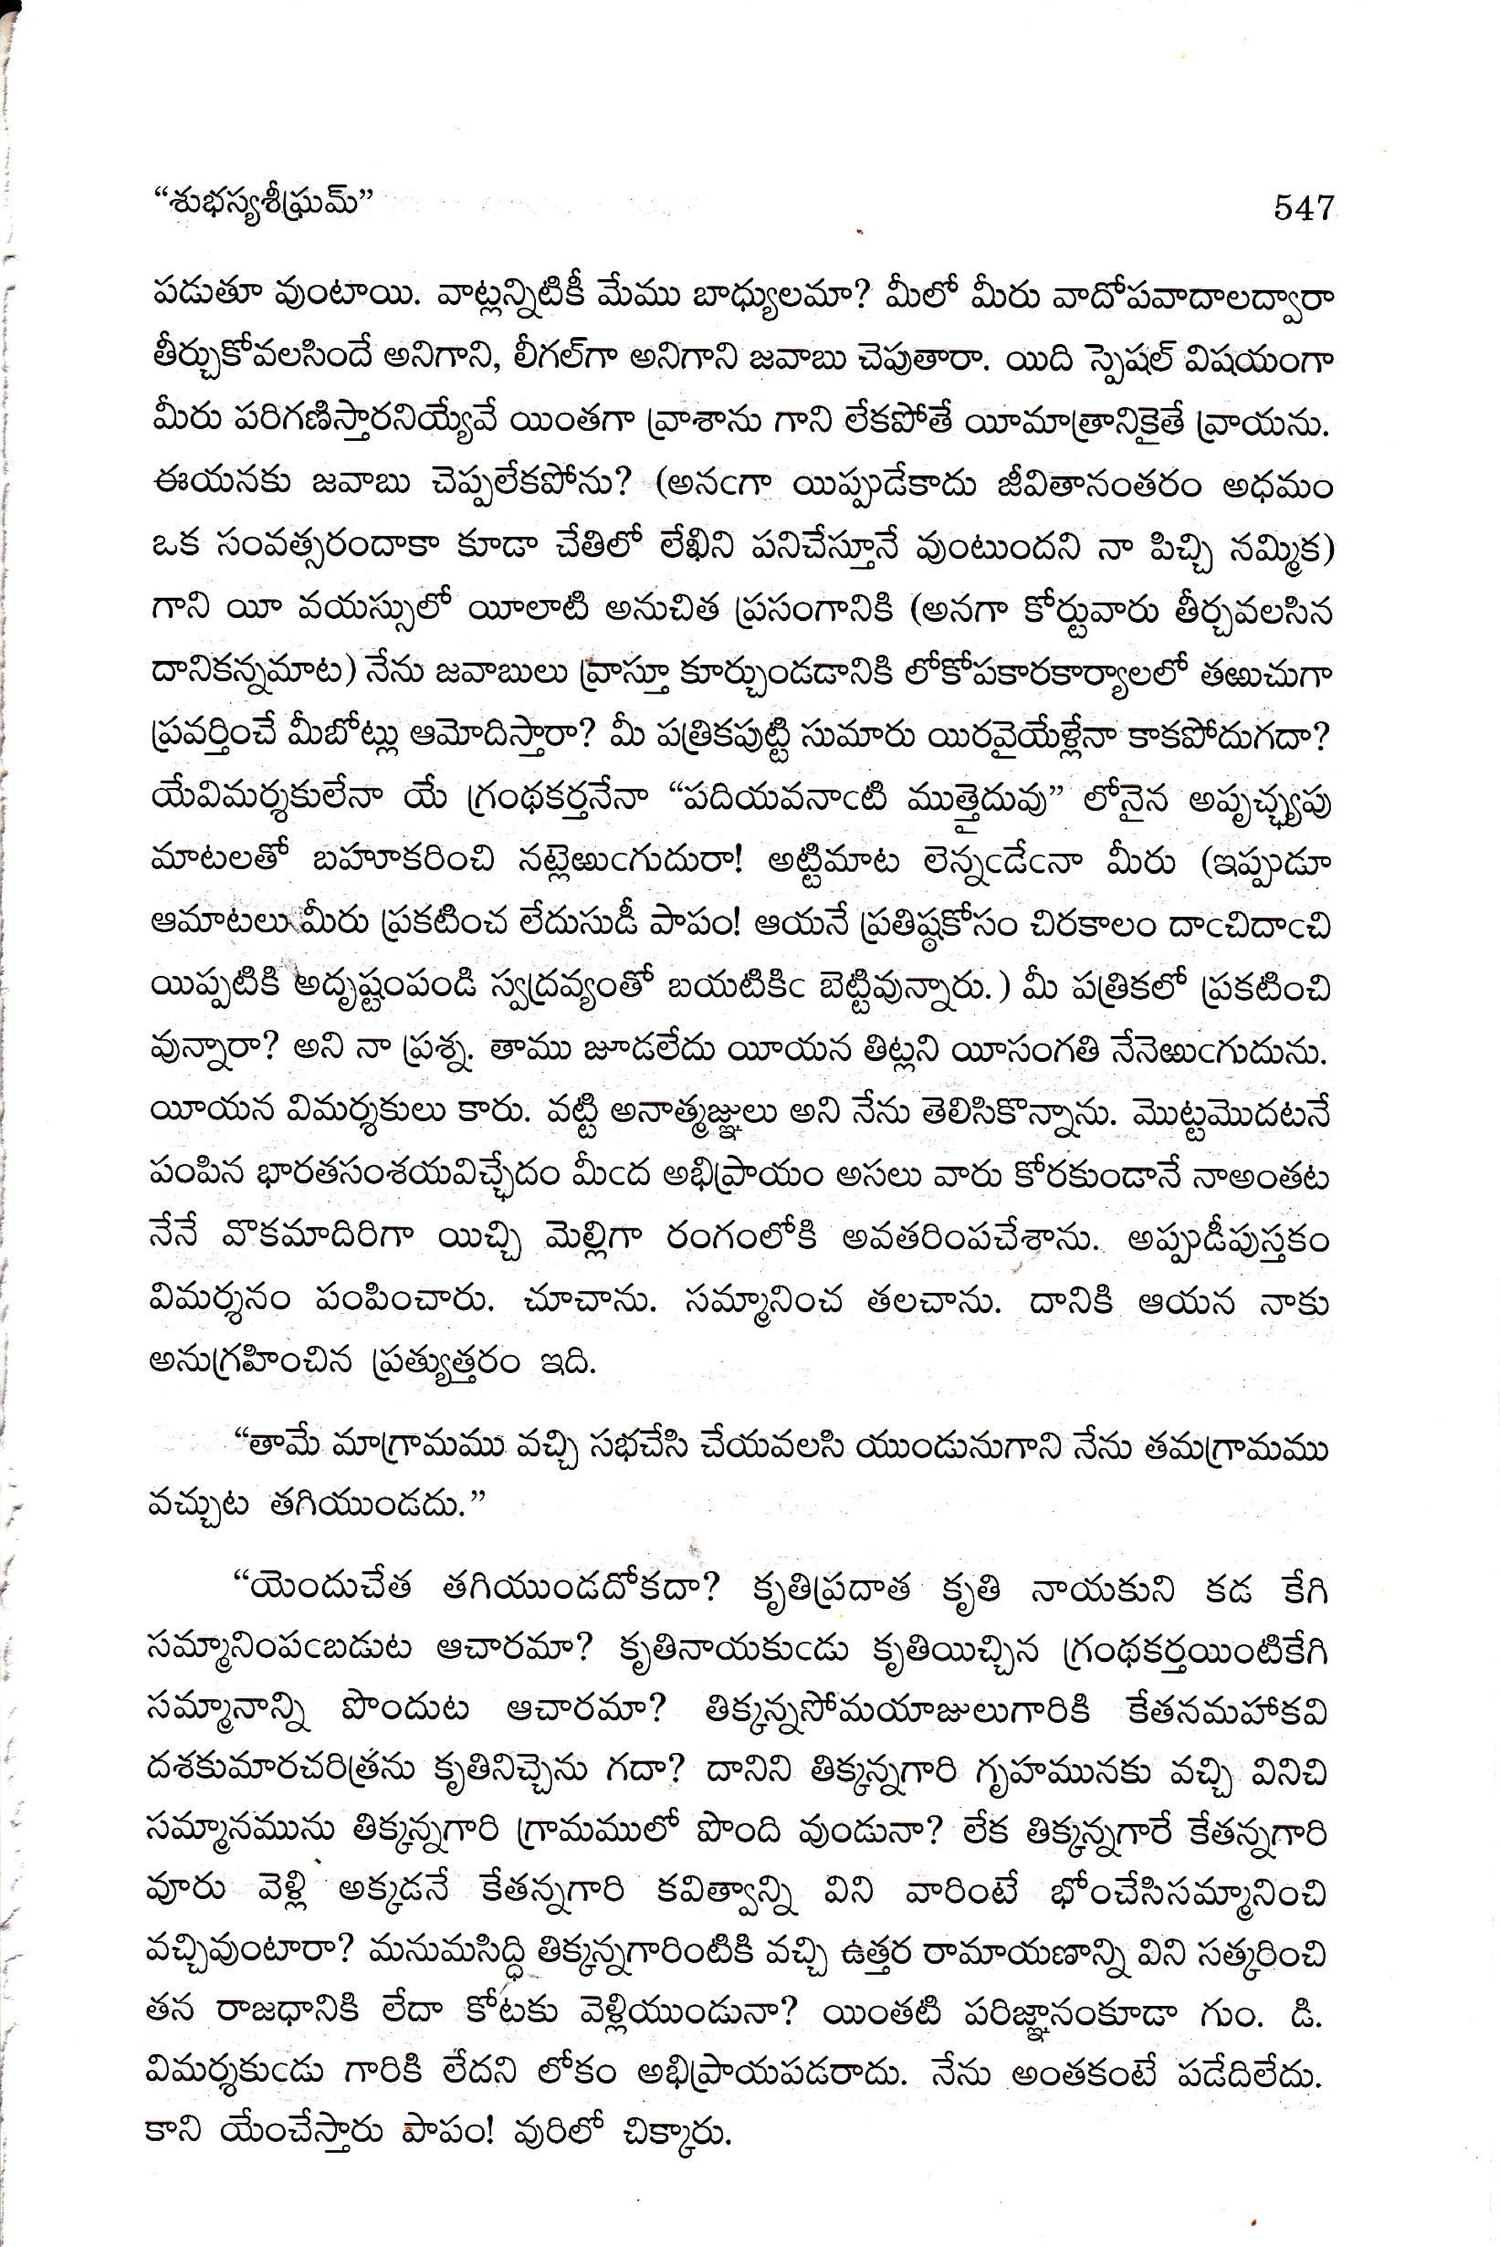పడుతూ వుంటాయి. వాట్లన్నిటికీ మేము బాధ్యులమా? మీలో మీరు వాదోపవాదాలద్వారా తీర్చుకోవలసిందే అనిగాని, లీగల్‌గా అనిగాని జవాబు చెపుతారా. యిది స్పెషల్ విషయంగా మీరు పరిగణిస్తారనియ్యేవే యింతగా వ్రాశాను గాని లేకపోతే యీమాత్రానికైతే వ్రాయను. ఈయనకు జవాబు చెప్పలేకపోను? (అనcగా యిప్పుడేకాదు జీవితానంతరం అధమం ఒక సంవత్సరందాకా కూడా చేతిలో లేఖిని పనిచేస్తూనే వుంటుందని నా పిచ్చి నమ్మిక) గాని యీ వయస్సులో యీలాటి అనుచిత ప్రసంగానికి (అనగా కోర్డువారు తీర్చవలసిన దానికన్నమాట) నేను జవాబులు వ్రాస్తూ కూర్చుండడానికి లోకోపకారకార్యాలలో తఱుచుగా ప్రవర్తించే మీబోట్లు ఆమోదిస్తారా? మీ పత్రికపుట్టి సుమారు యిరవైయేళ్లేనా కాకపోదుగదా? యేవిమర్శకులేనా యే గ్రంథకర్తనేనా “పదియవనాఁటి ముత్తైదువు" లోనైన అపృచ్ఛ్యపు మాటలతో బహూకరించి నట్లెఱుఁగుదురా! అట్టిమాట లెన్నఁడేcనా మీరు (ఇప్పుడూ ఆమాటలు మీరు ప్రకటించ లేదుసుడీ పాపం! ఆయనే ప్రతిష్ఠకోసం చిరకాలం దాఁచిదాఁచి యిప్పటికి అదృష్టంపండి స్వద్రవ్యంతో బయటికిఁ బెట్టివున్నారు.) మీ పత్రికలో ప్రకటించి వున్నారా? అని నా ప్రశ్న తాము జూడలేదు యీయన తిట్లని యీసంగతి నేనెఱుఁగుదును. యీయన విమర్శకులు కారు. వట్టి అనాత్మజ్ఞులు అని నేను తెలిసికొన్నాను. మొట్టమొదటనే పంపిన భారతసంశయవిచ్ఛేదం మీఁద అభిప్రాయం అసలు వారు కోరకుండానే నాఅంతట నేనే వొకమాదిరిగా యిచ్చి మెల్లిగా రంగంలోకి అవతరింపచేశాను. అప్పుడీపుస్తకం విమర్శనం పంపించారు. చూచాను. సమ్మానించ తలచాను. దానికి ఆయన నాకు అనుగ్రహించిన ప్రత్యుత్తరం ఇది. -

“తామే మాగ్రామము వచ్చి సభచేసి చేయవలసి యుండునుగాని నేను తమగ్రామము వచ్చుట తగియుండదు.”

“యెందుచేత తగియుండదోకదా? కృతిప్రదాత కృతి నాయకుని కడ కేగి సమ్మానింపఁబడుట ఆచారమా? కృతినాయకుఁడు కృతియిచ్చిన గ్రంథకర్తయింటికేగి సమ్మానాన్ని పొందుట ఆచారమా? తిక్కన్నసోమయాజులుగారికి కేతనమహాకవి దశకుమారచరిత్రను కృతినిచ్చెను గదా? దానిని తిక్కన్నగారి గృహమునకు వచ్చి వినిచి సమ్మానమును తిక్కన్నగారి గ్రామములో పొంది వుండునా? లేక తిక్కన్నగారే కేతన్నగారి వూరు వెళ్లి అక్కడనే కేతన్నగారి కవిత్వాన్ని విని వారింటే భోంచేసిసమ్మానించి వచ్చివుంటారా? మనుమసిద్ధి తిక్కన్నగారింటికి వచ్చి ఉత్తర రామాయణాన్ని విని సత్కరించి తన రాజధానికి లేదా కోటకు వెళ్లియుండునా? యింతటి పరిజ్ఞానంకూడా గుం. డి. విమర్శకుఁడు గారికి లేదని లోకం అభిప్రాయపడరాదు. నేను అంతకంటే పడేదిలేదు. కాని యేంచేస్తారు పాపం! వురిలో చిక్కారు.